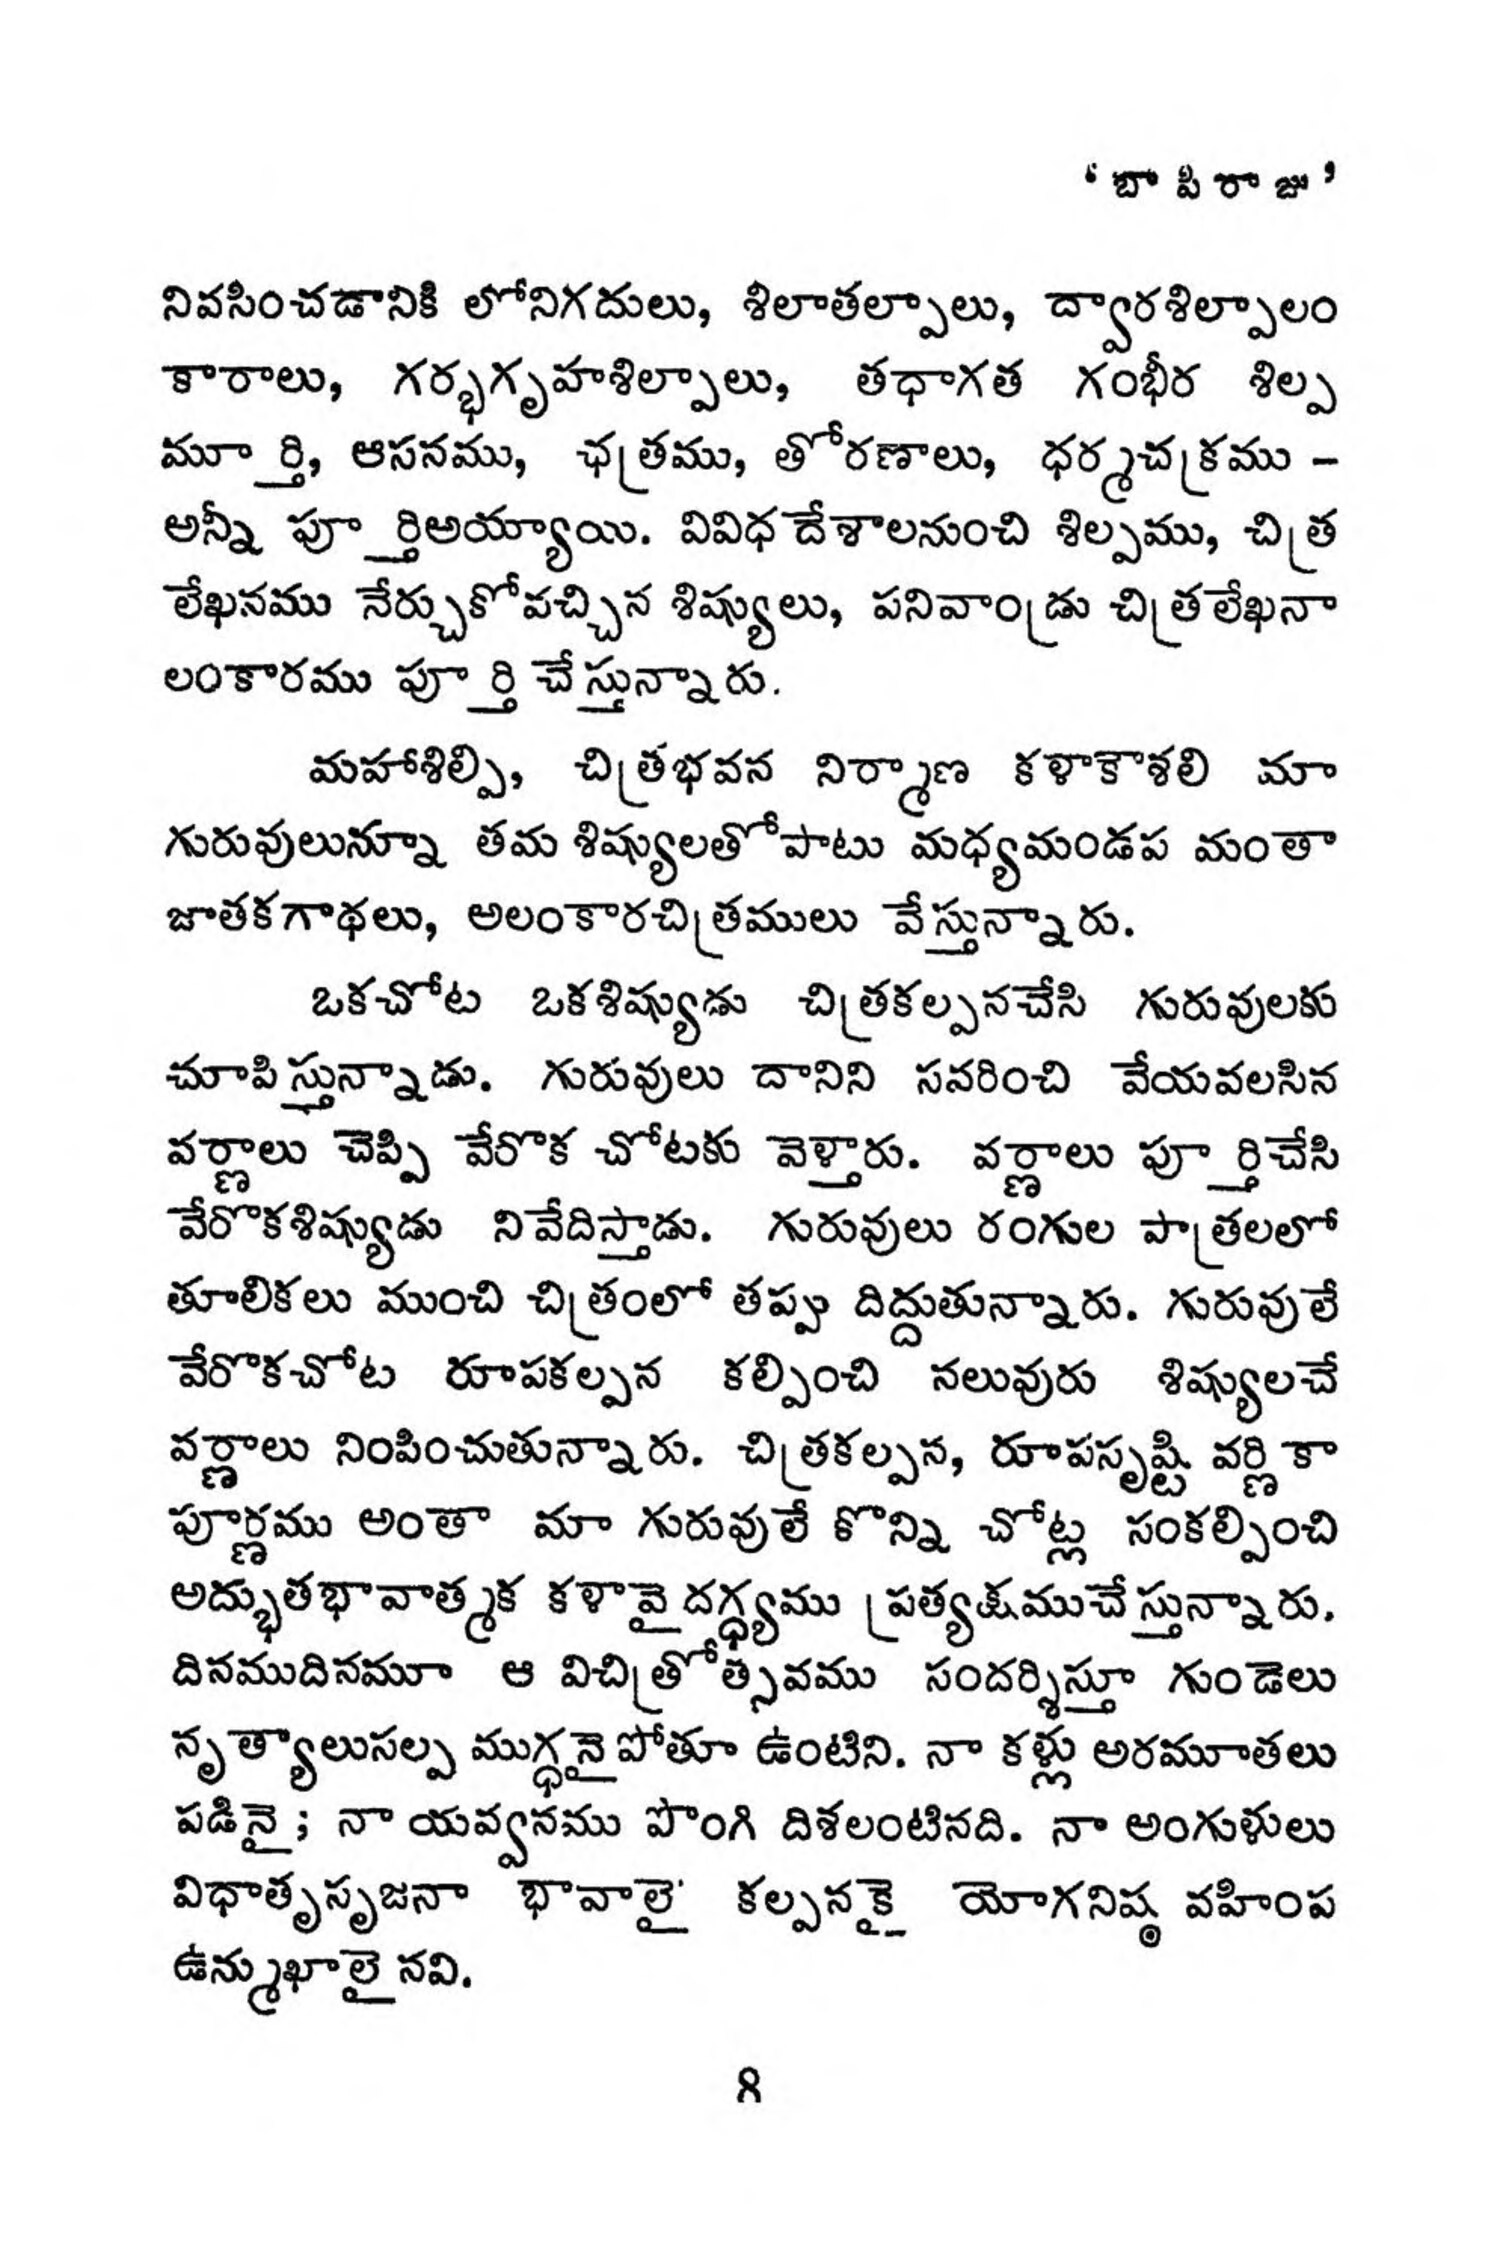నివసించడానికి లోనిగదులు, శిలాతల్పాలు, ద్వారశిల్పాలంకారాలు, గర్భగృహశిల్పాలు, తధాగత గంభీర శిల్పమూర్తి, ఆసనము, ఛత్రము, తోరణాలు, ధర్మచక్రము - అన్నీ పూర్తిఅయ్యాయి, వివిధదేశాలనుంచి శిల్పము, చిత్రలేఖనము నేర్చుకోవచ్చిన శిష్యులు, పనివాండ్రు చిత్రలేఖనాలంకారము పూర్తి చేస్తున్నారు.

మహాశిల్పి, చిత్రభవన నిర్మాణ కళాకౌశలి మా గురువులున్నూ తమ శిష్యులతోపాటు మధ్యమండప మంతా జాతకగాథలు, అలంకారచిత్రములు వేస్తున్నారు.

ఒకచోట ఒకశిష్యుడు చిత్రకల్పనచేసి గురువులకు చూపిస్తున్నాడు. గురువులు దానిని సవరించి వేయవలసిన వర్ణాలు చెప్పి వేరొక చోటకు వెళ్తారు. వర్ణాలు పూర్తిచేసి వేరొకశిష్యుడు నివేదిస్తాడు. గురువులు రంగుల పాత్రలలో తూలికలు ముంచి చిత్రంలో తప్పు దిద్దుతున్నారు. గురువులే వేరొకచోట రూపకల్పన కల్పించి నలువురు శిష్యులచే వర్ణాలు నింపించుతున్నారు. చిత్రకల్పన, రూపసృష్టి, వర్ణికా పూర్ణము అంతా మా గురువులే కొన్ని చోట్ల సంకల్పించి అద్భుతభావాత్మక కళావైదగ్ధ్యము ప్రత్యక్షముచేస్తున్నారు. దినముదినమూ ఆ విచిత్రోత్సవము సందర్శిస్తూ గుండెలు నృత్యాలుసల్ప ముగ్ధనైపోతూ ఉంటిని. నా కళ్లు అరమూతలు పడినై; నా యవ్వనము పొంగి దిశలంటినది. నా అంగుళులు విధాతృసృజనా భావాలై కల్పనకై యోగనిష్ఠ వహింప ఉన్ముఖాలైనవి.